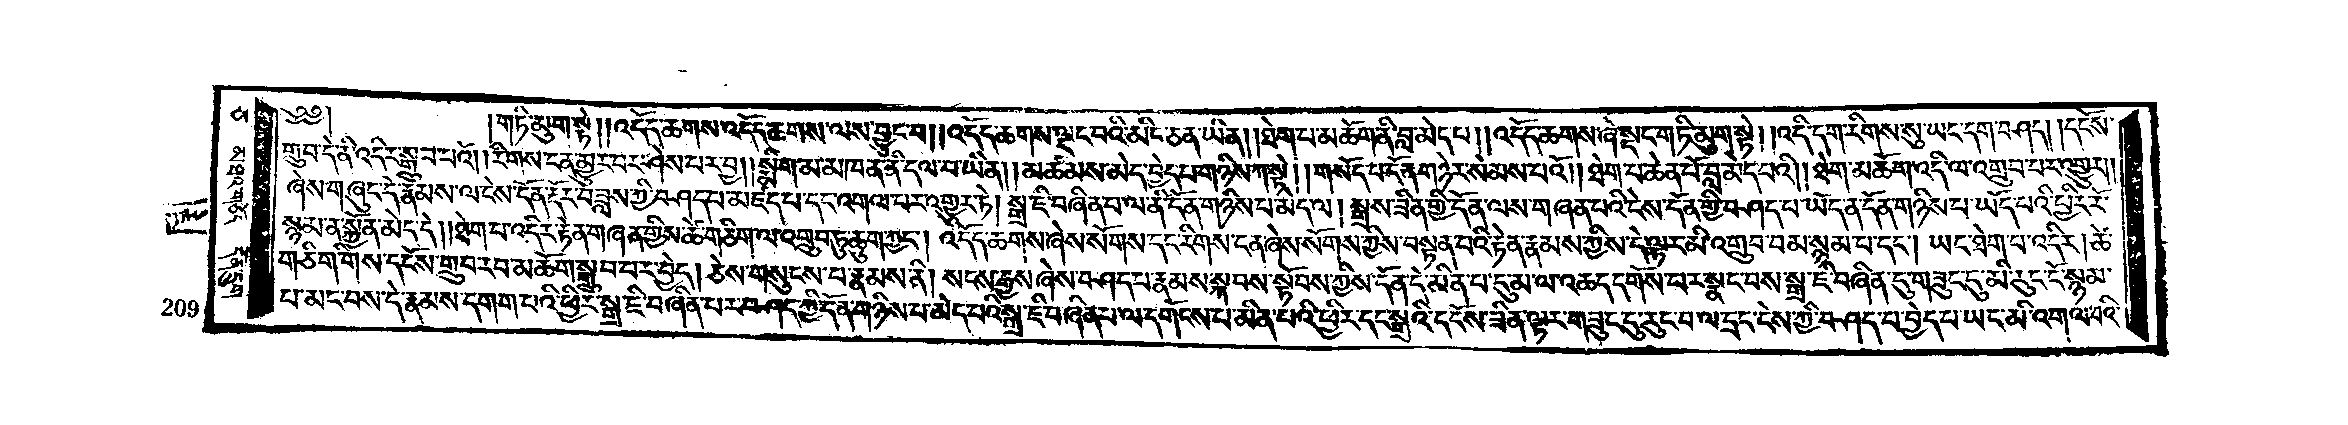༄༅། །གཏི་མུག་སྟེ། །འདོད་ཆགས་འདོད་ཆགས་ལས་བྱུང་བ། །འདོད་ཆགས་ལྡང་བའི་མིང་ཅན་ཡིན། །ཐེག་པ་མཆོག་ནི་བླ་མེད་པ། །འདོད་ཆགས་ཞེ་སྡང་གཏི་མུག་སྟེ། །འདི་དག་རིགས་སུ་ཡང་དག་བཤད། །དངོས་
གྲུབ་དེ་ནི་འདིར་སྒྲུབ་པའོ། །རིགས་ངན་མྱུར་བར་ཤེས་པར་བྱ། །སྨིག་མ་མཁན་ནི་དལ་བ་ཡིན། །མཚམས་མེད་བྱེད་པ་གཉིས་ཀ་སྟེ། །གསོད་པ་དོན་གཉེར་སེམས་པའོ། །ཐེག་པ་ཆེན་པོ་བླ་མེད་པའི། །ཐེག་མཆོག་འདི་ལ་འགྲུབ་པར་འགྱུར། །
ཞེས་གཞུང་དེ་རྣམས་ལ་ངེས་དོན་རྡོར་བཟླས་ཀྱི་བཤད་པ་མཛད་པ་དང་འགལ་པར་འགྱུར་ཏེ། སྒྲ་ཇི་བཞིན་པ་ལ་ནི་དོན་གཉིས་པ་མེད་ལ། སྒྲས་ཟིན་གྱི་དོན་ལས་གཞན་པའི་ངེས་དོན་གྱི་བཤད་པ་ཡོད་ན་དོན་གཉིས་པ་ཡོད་པའི་ཕྱིར་རོ་
སྙམ་ན་སྐྱོན་མེད་དེ། །ཐེག་པ་འདིར་རྟེན་གཞན་གྱིས་ཚེ་གཅིག་ལ་འགྲུབ་ཏུ་ཆུག་ཀྱང་། འདོད་ཆགས་ཞེས་སོགས་དང་རིགས་ངན་ཞེས་སོགས་ཀྱིས་བསྟན་པའི་རྟེན་རྣམས་ཀྱིས་དེ་ལྟར་མི་འགྲུབ་བམ་སྙམ་པ་དང་། ཡང་ཐེག་པ་འདིར། ཚེ་
གཅིག་གིས་དངོས་གྲུབ་རབ་མཆོག་སྒྲུབ་པར་བྱེད། ཅེས་གསུངས་པ་རྣམས་ནི། སངས་རྒྱས་ཞེས་བཤད་པ་རྣམས་སྐབས་སྟོབས་ཀྱིས་དོན་དེ་མིན་པ་དུ་མ་ལ་འཆད་དགོས་པར་སྣང་བས་སྒྲ་ཇི་བཞིན་དུ་གཟུང་དུ་མི་རུང་ངོ་སྙམ་
པ་མང་བས་དེ་རྣམས་དགག་པའི་ཕྱིར་སྒྲ་ཇི་བཞིན་པར་བཤད་ཀྱི་དོན་གཉིས་པ་མེད་པའི་སྒྲ་ཇི་བཞིན་པ་ལ་དགོངས་པ་མིན་པའི་ཕྱིར་དང་སྒྲའི་དངོས་ཟིན་ལྟར་གཟུང་དུ་རུང་བ་ལ་དྲང་ངེས་ཀྱི་བཤད་པ་བྱེད་པ་ཡང་མི་འགལ་བའི་